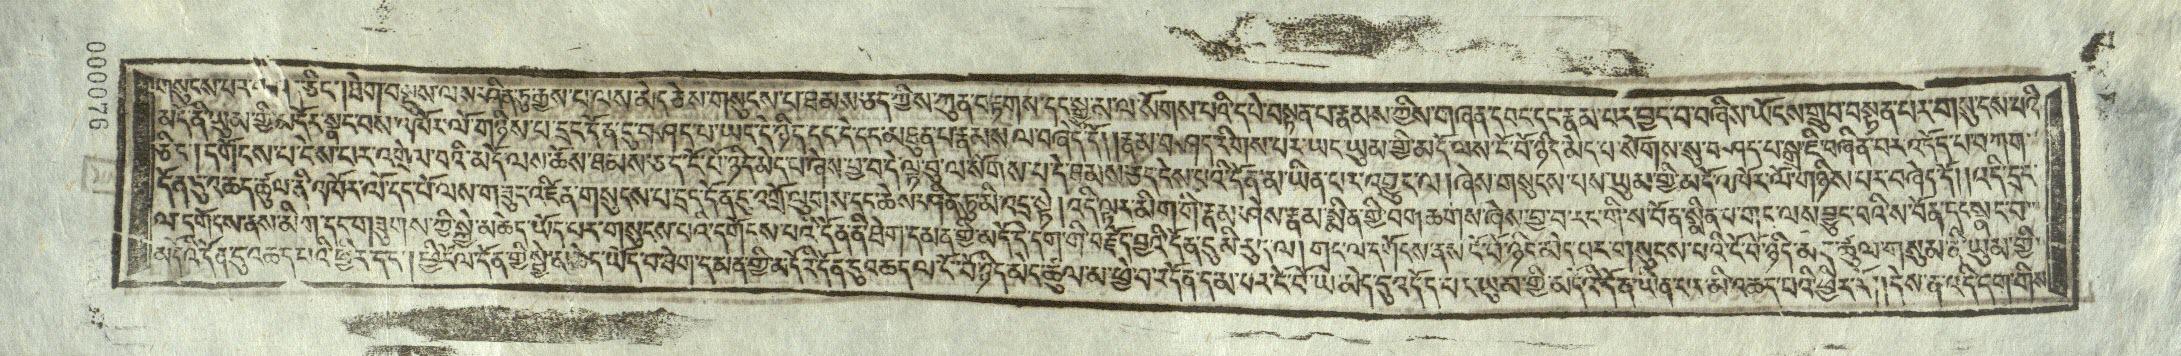གསུངས་པར་བ་ཤད་ཅིང་། ཐེག་བསྡུས་ལས་ཤིན་ཏུ་རྒྱས་པ་ལས་མེད་ཅེས་གསུངས་པ་ཐམས་ཅད་ཀྱིས་ཀུན་བརྟགས་དང་སྒྱུ་མ་ལ་སོགས་པའི་དཔེ་བསྟན་པ་རྣམས་ཀྱིས་གཞན་དབང་དང་རྣམ་པར་བྱང་བ་བཞིས་ཡོངས་གྲུབ་བསྟན་པར་གསུངས་པའི་
མདོ་ནི་ཡུམ་གྱི་མདོར་སྣང་བས་འཁོར་ལོ་གཉིས་པ་དྲང་དོན་དུ་བཤད་པ་ཡང་དེ་ཉིད་དང་དེ་དང་མཐུན་པ་རྣམས་ལ་བཞིད་དོ། །རྣམ་བཤད་རིགས་པར་ཡང་ཡུམ་གྱི་མདོ་ལས་ངོ་བོ་ཉིད་མེད་པ་སོགས་སུ་བཤད་པ་སྒྲ་ཇི་བཞིན་པར་འདོད་པ་བཀག་
ཅིང༑ དགོངས་པ་ངེས་པར་འགྲེལ་བའི་མདོ་ལས་ཆོས་ཐམས་ཅད་ངོ་པོ་ཉིད་མེད་པ་ཞེས་བྱ་བ་དེ་ལྟ་བུ་ལ་སོགས་པ་དེ་ཐམས་ཅད་ངེས་པའི་དོན་མ་ཡིན་པར་འྲྒྱུར་ལ། ཞེས་གསུངས་པས་ཡུམ་གྱི་མདོ་འཁོར་ལོ་གཉིས་པར་བཞེད་དོ། །འདི་དྲང་
དོན་དུ་འཆད་ཚུལ་ནི་འཁོར་ལོ་དང་པོ་ལས་གཟུང་འཛིན་གསུངས་པ་དྲང་དོན་དུ་འགྲོ་ལུགས་དང་ཆེས་ཤིན་ཏུ་མི་འདྲ་སྟེ། འདི་ལྟར་མིག་གི་རྣམ་ཤེས་རྣམ་སྨིན་གྱི་བག་ཆགས་ཞེས་བྱ་བ་རང་གི་ས་བོན་སྨིན་པ་གང་ལས་བྱུང་བའི་ས་བོན་དང་སྣང་བ་
ལ་དགོངས་ནས་མིག་དང་གཟུགས་ཀྱི་སྐྱེ་མཆེད་ཡོད་པར་གསུངས་པའི་དགོངས་པའི་དོན་ནི་ཐེག་དམན་གྱི་མདོ་དེ་དག་གི་བརྗོད་བྱའི་དོན་དུ་མི་རུང་ལ། གང་ལ་དགོངས་ནས་ངོ་བོ་ཉིད་མེད་པར་གསུངས་པའི་ངོ་བོ་ཉིད་མེད་ཚུལ་གསུམ་ནི་ཡུམ་གྱི་
མདོའི་དོན་དུ་འཆད་པའི་ཕྱིར་དང་། ཕྱི་རོལ་དོན་གྱི་སྐྱེ་མཆེད་ཡོད་པ་ཐེག་དམན་གྱི་མདོའི་དོན་དུ་འཆད་ལ་ངོ་བོ་ཉིད་མེད་ཚུལ་མ་ཕྱེ་བར་དོན་དམ་པར་ངོ་བོ་ཡེ་མེད་དུ་འདོད་པར་ཡུམ་གྱི་མདོའི་དོན་ཡིན་པར་མི་འཆད་པའི་ཕྱིར་རོ། །དེས་ན་འདི་དག་གིས་